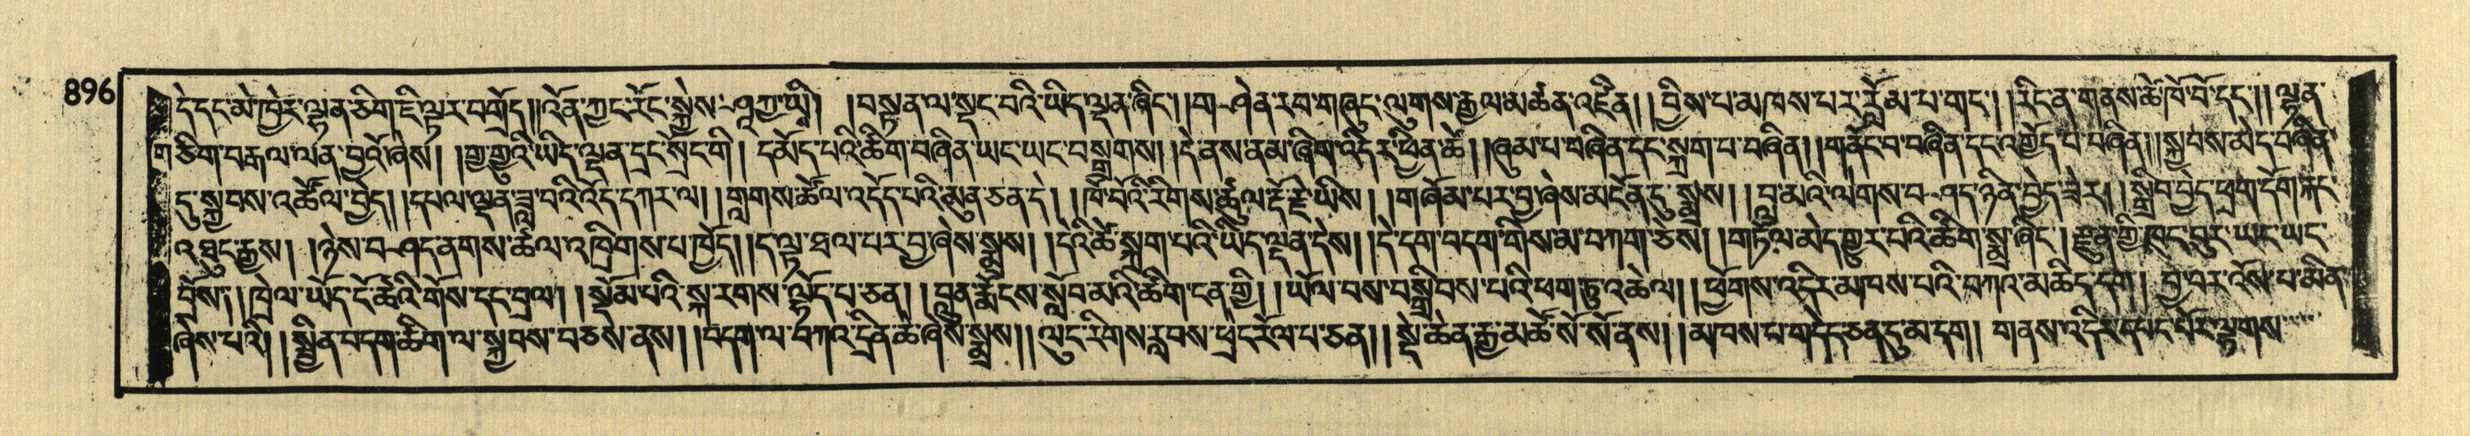དེ་དང་མེ་ཁྱེར་ལྷན་ཅིག་ཇི་ལྟར་བགྲོད། །འོན་ཀྱང་རོང་སྐྱེས་ཤཱཀྱ་ཡིས། །བསྟན་ལ་སྡང་བའི་ཡིད་ལྡན་ཞིང་། །གཤེན་རབ་གཞུང་ལུགས་རྒྱལ་མཚན་འཛིན། །བྱིས་པ་མཁས་པར་རློམ་པ་གང་། །རིང་ན་གནས་ཚེ་ཁོ་བོ་དང་། །ལྷན་
གཅིག་བརྒལ་ལན་བྱའོ་ཞེས། །གྱ་གྱུའི་ཡིད་ལྡན་དྲང་སྲོང་གི། དམོད་པའི་ཚིག་བཞིན་ཡང་ཡང་བསྒྲགས། །དེ་ནས་ནམ་ཞིག་འདིར་ཕྱིན་ཚེ། །ཞུམ་པ་བཞིན་དང་སྐྲག་པ་བཞིན། །གནོང་བ་བཞིན་དང་འགྱོད་པ་བཞིན། །སྐྱབས་མེད་བཞིན་
དུ་སྐྱབས་འཚོལ་བྱེད། །དཔལ་ལྡན་ཟླ་བའི་འོད་དཀར་ལ། །གླགས་ཚོལ་འདོད་པའི་མུན་ཅན་དེ། །ཁོ་བོའི་རིགས་ཚུལ་རྡོ་རྗེ་ཡིས། །གཞོམ་པར་བྱ་ཞེས་མངོན་དུ་སྨྲས། །བླ་མའི་ལེགས་བཤད་ཉིན་བྱེད་ཟེར། །སྒྲིབ་བྱེད་ཕྲག་དོག་རྐང་
འཐུང་རྒྱས། །ཉེས་བཤད་ནགས་ཚལ་འཁྲིགས་པ་ཁྱོད། །ད་ལྟ་ཐལ་པར་བྱ་ཞེས་སྨྲས། །དེའི་ཚེ་སྐྲག་པའི་ཡིད་ལྡན་དེས། །དེ་དག་བདག་གིས་མ་བཀག་ཅེས། །གཏོལ་མེད་གྱུར་པའི་ཚིག་སྨྲ་ཞིང་།རྫུན་གྱི་ཁུང་བུར་ཡང་ཡང་
བྲོས༑ །ཁྲེལ་ཡོད་ངོ་ཚའི་གོས་དང་བྲལ། །སྡོམ་པའི་སྐ་རགས་ལྷོད་པ་ཅན། །བླུན་རྨོངས་སློབ་མའི་ཚིག་ངན་གྱི། །ཡོལ་བས་བསྒྲིབས་པའི་ཕག་ཏུ་འཆེལ། །ཕྱོགས་འདིར་མཁས་པའི་བཀའ་མཆིད་དག། བྱ་བར་འོས་པ་མིན་
ཞེས་པའི། །སྦྱིན་བདག་ཚིག་ལ་སྐྱབས་བཅས་ནས། །བདག་ལ་བཀའ་དྲིན་ཆེ་ཞེས་སྨྲས། །ལུང་རིགས་རླབས་ཕྲེང་རོལ་པ་ཅན། །སྡེ་ཆེན་རྒྱ་མཚོ་སོ་སོ་ནས། །མཁས་པ་གདེང་ཅན་དུ་མ་དག། གནས་འདིར་དཔང་པོར་ལྷགས་